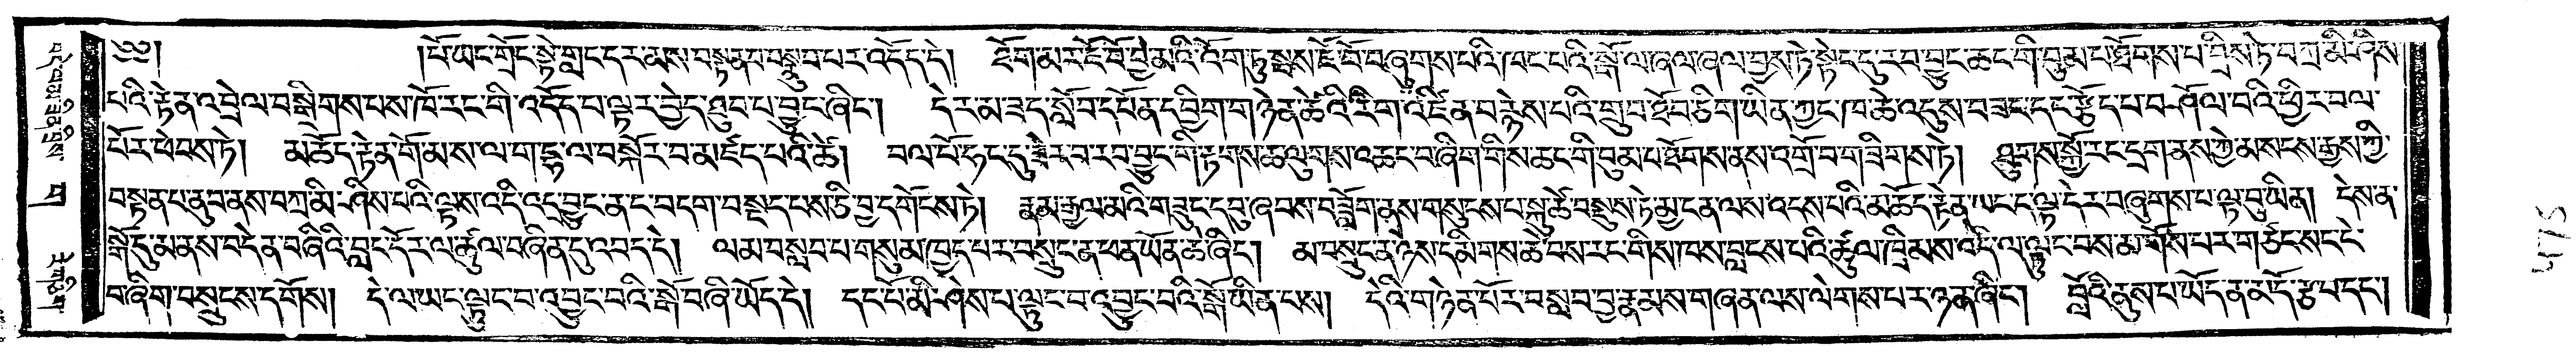༄༅། །པོ་ཡང་གྲོང་སྟེ་གླང་དར་མས་བསྟན་པས་བསྣུབ་པར་འདོད་དེ། ཐོག་མར་ཇོ་བོ་བྱེ་མའི་འོག་ཏུ་སྦས་ཇོ་བོ་བཞུགས་པའི་ཁང་པའི་སྒོ་ལ་ཞལ་ཞལ་བྱས་ཏེ་སྟེང་དུ་རབ་བྱུང་ཆང་གི་བུམ་པ་ཐོགས་པ་བྲིས་ཏེ་བཀྲ་མི་ཤིས་
པའི་རྟེན་འབྲེལ་བསྒྲིགས་པས་ཁོ་རང་གི་འདོད་པ་ལྟར་བྱེད་ཐུབ་པ་བྱུང་ཞིང་། དེར་མ་ཟད་སློབ་དཔོན་དབྱིག་གཉེན་ཚེའི་རིག་འཛིན་བརྙེས་པའི་གྲུབ་ཐོབ་ཅིག་ཡིན་ཀྱང་ཁ་ཆེ་འདུས་བཟང་དང་རྩོད་པ་བཤོལ་བའི་ཕྱིར་བལ་
པོར་ཕེབས་ཏེ། མཆོད་རྟེན་གོ་མས་ལ་ག་དྷ་ལ་བསྐོར་བ་མཛད་པའི་ཚེ། བལ་པོ་ཧང་དུ་ཟེར་བ་རབ་བྱུང་གི་རྟགས་ཆ་ལུགས་འཆང་བ་ཞིག་གིས་ཆང་གི་བུམ་པ་ཐོགས་ནས་འགྲོ་བ་གཟིགས་ཏེ། ཐུགས་སྐྱོ་རང་དྲག་ནས་ཀྱེ་མ་སངས་རྒྱས་ཀྱི་
བསྟན་པ་ནུབ་ནས་བཀྲ་མི་ཤིས་པའི་ལྟས་འདི་འདྲ་འབྱུང་ནང་བདག་བསྡད་བས་ཅི་བྱ་དགོངས་ཏེ། རྣམ་རྒྱལ་མའི་གཟུང་དབུ་ཞབས་བཟློག་ནས་གསུངས་པ་སྐུ་ཚེ་བསྡུས་ཏེ་མྱ་ངན་ལས་འདས་པའི་མཆོད་རྟེན་ཡང་ད་ལྟ་དེར་བཞུགས་པ་ལྟ་བུ་ཡིན། དེས་ན་
སྒོ་དུ་མ་ནས་བདེན་བཞིའི་བླང་དོར་ལ་ཚུལ་བཞིན་དུ་འབད་དེ། ལམ་བསླབ་པ་གསུམ་ཁྱད་པར་བསྲུང་ན་ཕན་ཡོན་ཆེ་ཞིང་། མ་བསྲུང་ན་ཉེས་དམིགས་ཆེ་བས་རང་གིས་ཁས་བླངས་པའི་ཚུལ་ཁྲིམས་འདི་ལ་ལྟུང་བས་མ་གོས་པར་གཙང་སང་ངེ་
བ་ཞིག་བསྲུངས་དགོས། དེ་ལ་ཡང་ལྟུང་བ་འབྱུང་བའི་སྒོ་བཞི་ཡོད་དེ། དང་པོ་ནི་ཤེས་པ་ལྟུང་བ་འབྱུང་བའི་སྒོ་ཡིན་པས། དེའི་གཉེན་པོར་བསླབ་བྱ་རྣམས་གཞན་ལས་ལེགས་པར་ཉན་ཞིང་། བློའི་ནུས་པ་ཡོད་ན་མདོ་རྩ་བ་དང་།